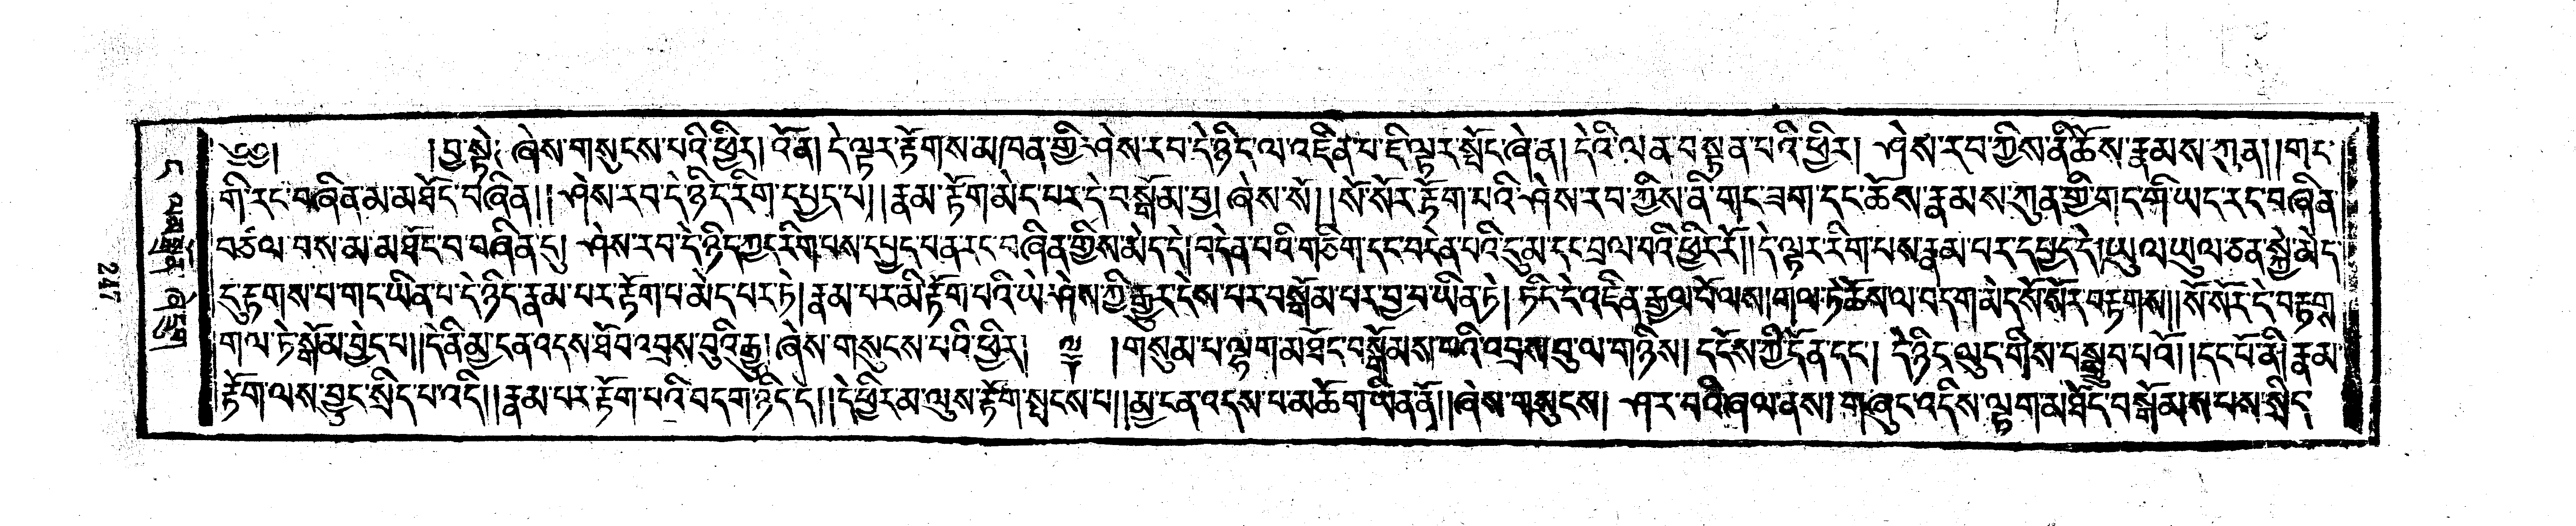༄༅། །བྱ་སྟེ༑ ཞེས་གསུངས་པའི་ཕྱིར། འོ་ན། དེ་ལྟར་རྟོགས་མཁན་གྱི་ཤེས་རབ་དེ་ཉིད་ལ་འཛིན་པ་ཇི་ལྟར་སྤོང་ཞེ་ན། དེའི་ལན་བསྟན་པའི་ཕྱིར། ཤེས་རབ་ཀྱིས་ནི་ཆོས་རྣམས་ཀུན། །གང་
གི་རང་བཞིན་མ་མཐོང་བཞིན། །ཤེས་རབ་དེ་ཉིད་རིག་དཔྱད་པ། །རྣམ་རྟོག་མེད་པར་དེ་བསྒོམ་བྱ། ཞེས་སོ། །སོ་སོར་རྟོག་པའི་ཤེས་རབ་ཀྱིས་ནི་གང་ཟག་དང་ཆོས་རྣམས་ཀུན་གྱི་གང་གི་ཡང་རང་བཞིན་
བཙལ་བས་མ་མཐོང་བ་བཞིན་དུ། ཤེས་རབ་དེ་ཉིད་ཀྱང་རིག་པས་དཔྱད་པ་ན་རང་བཞིན་གྱིས་མེད་དེ། བདེན་པའི་གཅིག་དང་བདེན་པའི་དུ་མ་དང་བྲལ་བའི་ཕྱིར་རོ། །དེ་ལྟར་རིག་པས་རྣམ་པར་དཔྱད་དེ། ཡུལ་ཡུལ་ཅན་སྐྱེ་མེད་
དུ་རྟགས་པ་གང་ཡིན་པ་དེ་ཉིད་རྣམ་པར་རྟོག་པ་མེད་པར་ཏེ། རྣམ་པར་མི་རྟོག་པའི་ཡེ་ཤེས་ཀྱི་རྒྱར་ངེས་པར་བསྒོམ་པར་བྱ་བ་ཡིན་ཏེ། ཏིང་ངེ་འཛིན་རྒྱལ་པོ་ལས། གལ་ཏེ་ཆོས་ལ་བདག་མེད་སོ་སོར་བརྟགས། །སོ་སོར་དེ་བརྟགས་
གལ་ཏེ་སྒོམ་བྱེད་པ། །དེ་ནི་མྱ་ངན་འདས་ཐོབ་འབྲས་བུའི་རྒྱུ། ཞེས་གསུངས་པའི་ཕྱིར། ༈ །གསུམ་པ་ལྷག་མཐོང་བསྒོམས་པའི་འབྲས་བུ་ལ་གཉིས། དངོས་ཀྱི་དོན་དང་། དེ་ཉིད་ལུང་གིས་བསྒྲུབ་པའོ། །དང་པོ་ནི། རྣམ་
རྟོག་ལས་བྱུང་སྲིད་པ་འདི། །རྣམ་པར་རྟོག་པའི་བདག་ཉིད་དེ། །དེ་ཕྱིར་མ་ལུས་རྟོག་སྤངས་པ། །མྱ་ངན་འདས་པ་མཆོག་ཡིན་ནོ། །ཞེས་གསུངས། ཤར་བའི་ཞལ་ནས། གཞུང་འདིས་ལྷག་མཐོང་བསྒོམས་པས་སྲིད་